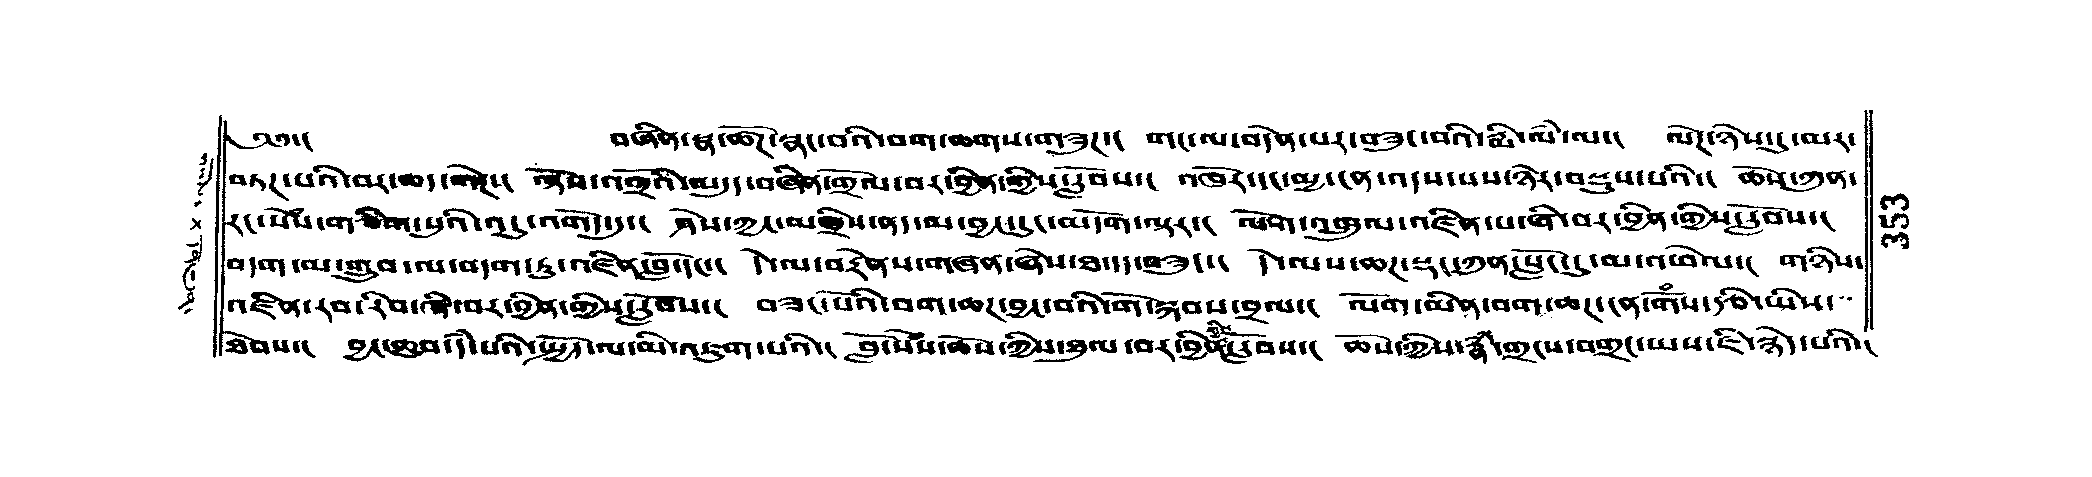བཞིན་སྣ་ཚོགས་སྣང་བའི་བག་ཆགས་གཟུགས། །གང་ལ་བདེན་པར་བཟུང་བའི་རྨི་ལམ་ལ། །ལེགས་ཉེས་དུ་མར་
བཏགས་པའི་བར་ཆད་གེགས། །ལྟོ་འགྲོའི་མདུད་བཞིན་གྲོལ་བར་བྱིན་གྱིས་རློབས་། །འཁོར་དང་མྱ་ངན་འདས་པས་ཉེར་བསྡུས་པའི། །ཆོས་ཀུན་
རང་སེམས་གཅིག་པུའི་འདུ་འགོད་དུ། །ཤེས་ཀྱང་མཁྲིས་ནད་མ་བྱང་དུང་མདོག་ལྟར། །ལོག་འཁྲུལ་འཛིན་པ་ཞི་བར་བྱིན་གྱིས་རློབས། །
བདག་མ་གྲུབ་ལ་བདག་ཏུ་འཛིན་བློ་དང་། །དེ་ལ་བརྟེན་ནས་གཞན་ཞེས་ཐ་དད་བཟུང་། །དེ་ལས་ཆགས་སྡང་ཀུན་སློང་དུ་མ་འཕེལ། །གཉིས་
འཛིན་རབ་རིབ་ཞི་བར་བྱིན་གྱིས་རློབས། །བཟང་པོའི་བག་ཆགས་བྱང་བའི་གོ་སྐབས་བྲལ། །ལོག་མིན་བག་ཆགས་ངན་གོམས་རྩི་ཡིས་
ཐེབས། །བྱང་ཆུབ་དམ་པའི་སྤྱོད་ལ་མི་འཇུག་པའི། །བློ་སེམས་ཆོས་ཀྱིས་ཐུལ་བར་བྱིན་གྱིས་རློབས། །ཆོས་ཀྱིས་རྣམ་གྲངས་བགྲང་ཡས་ཇི་སྙེད་པའི།